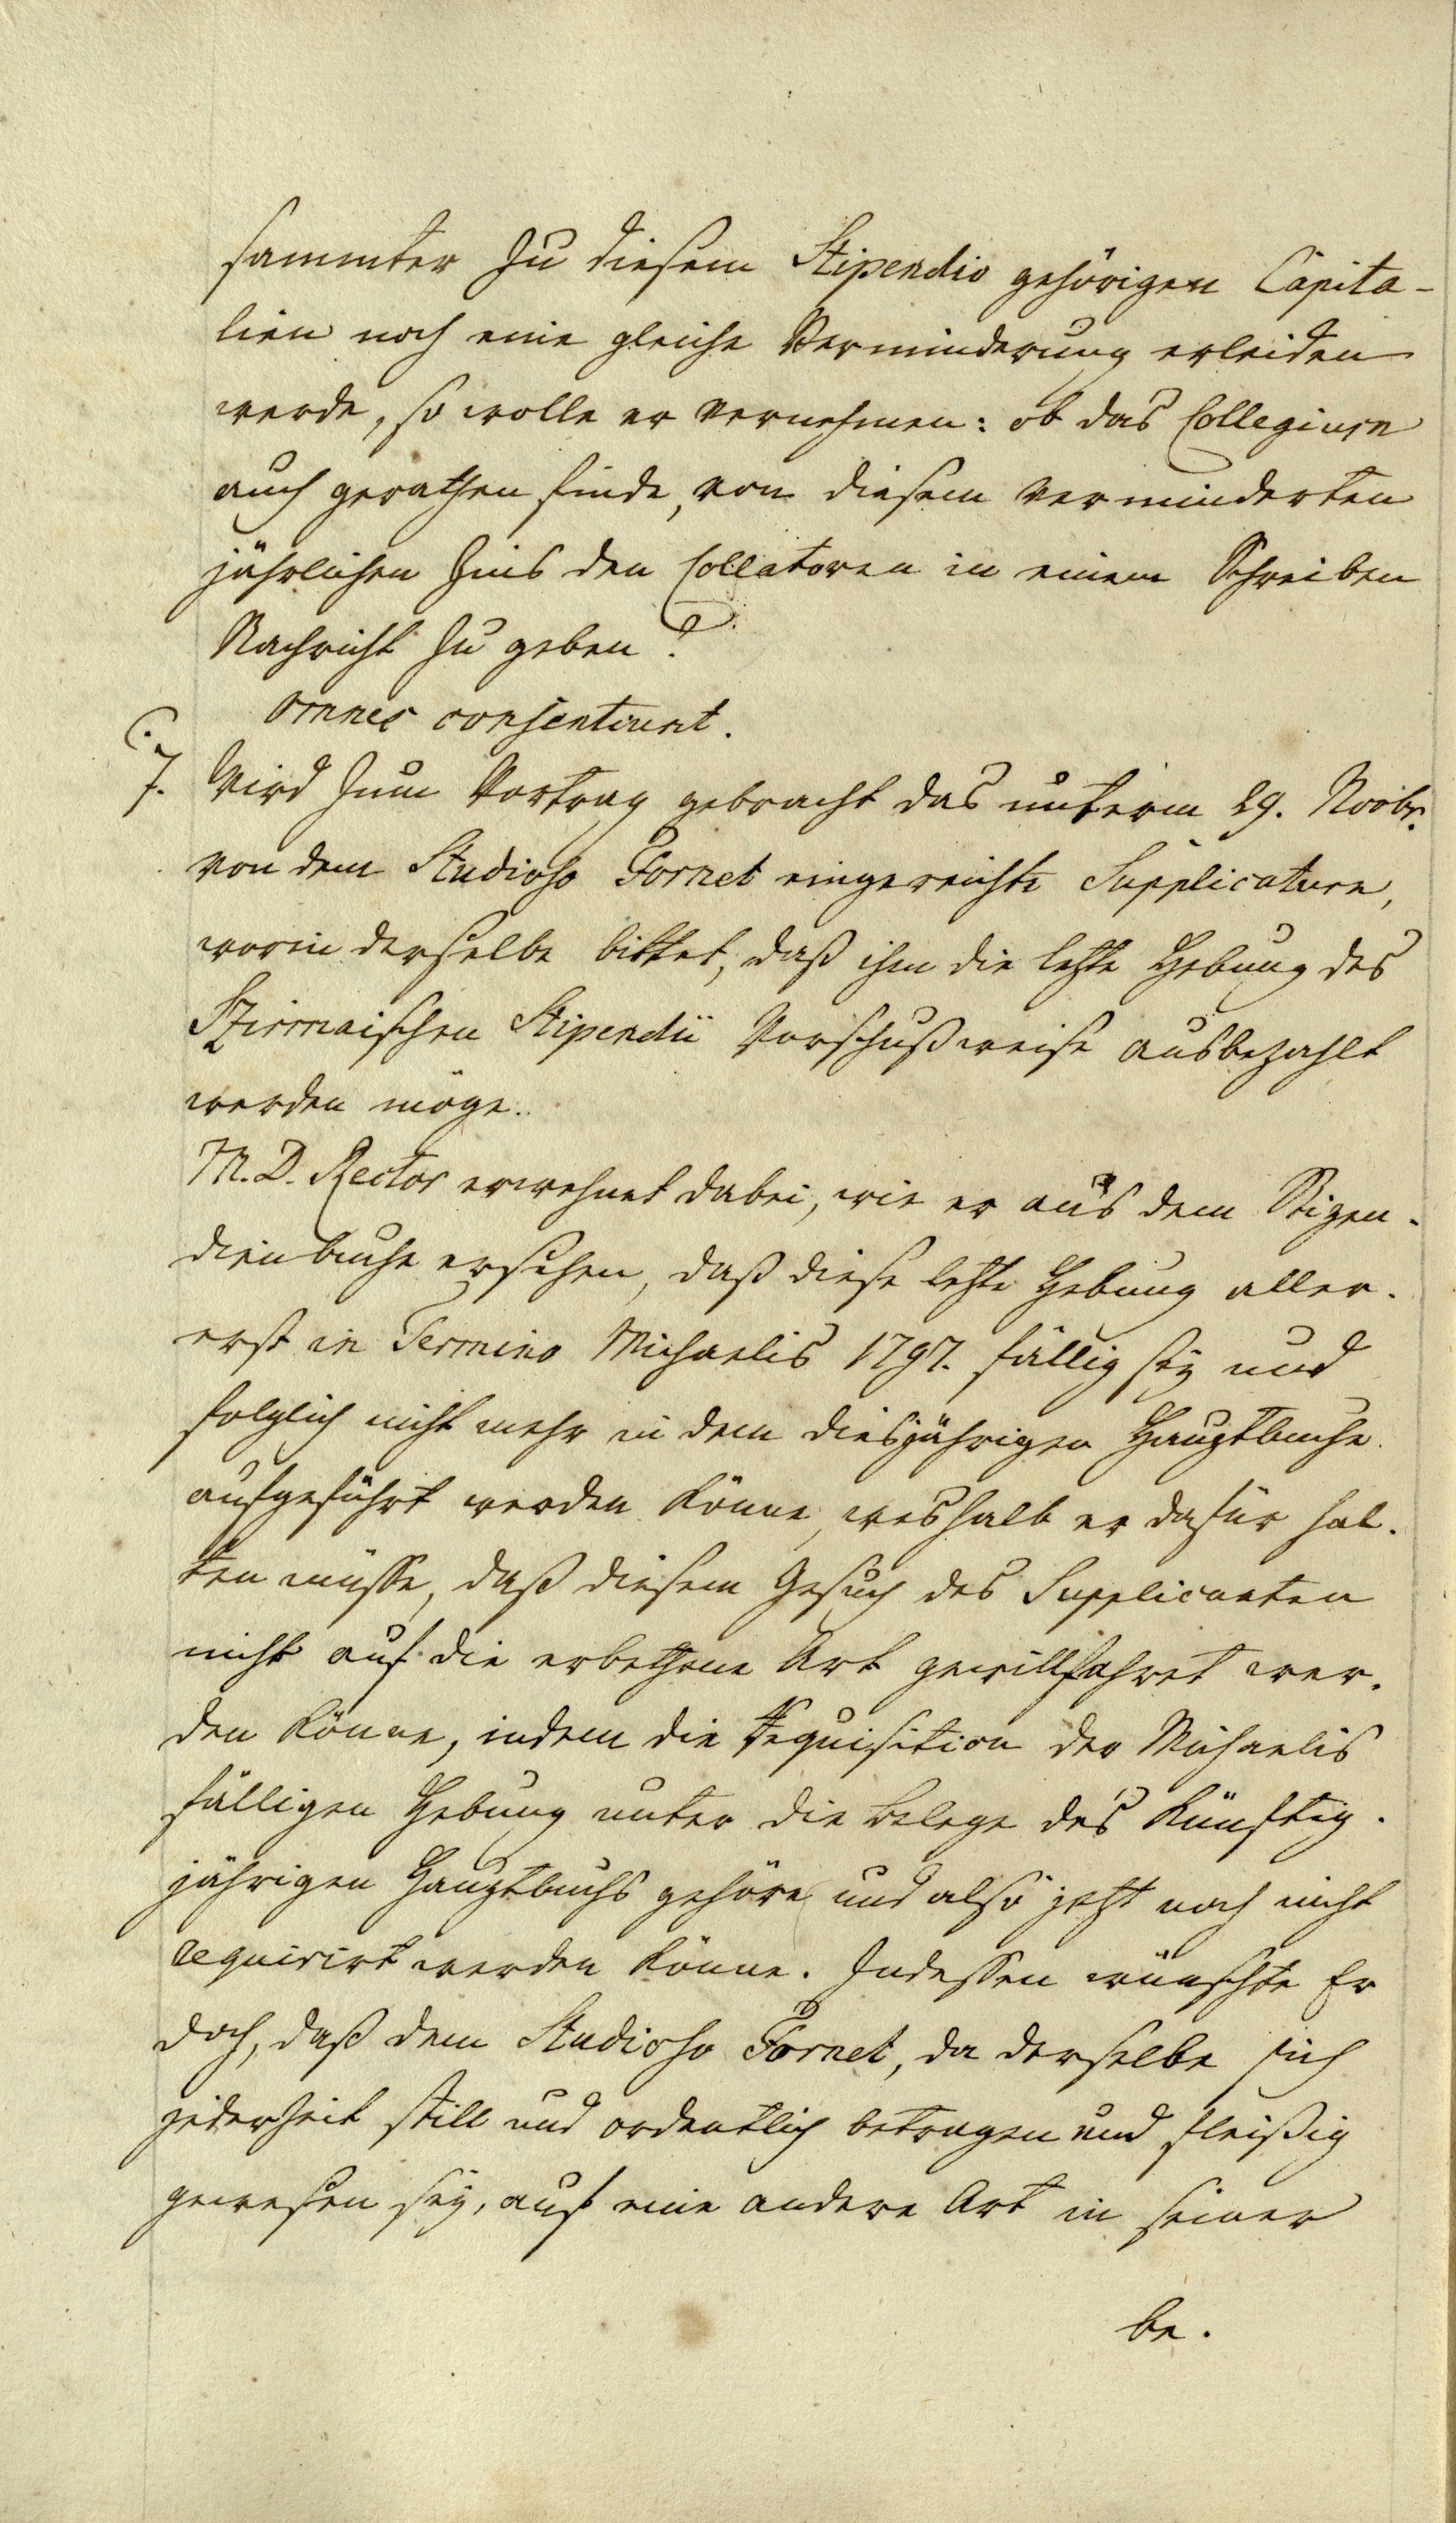sammter zu diesem Stipendio gehörigen Capita¬
lien noch eine gleiche Verminderung erleiden
werde, so wolle er vernehmen: ob das Collegium
auch gerathen finde, von diesem verminderten
jährlichen Zins den Collatoren in einem Schreiben
Nachricht zu geben?
Omnes consentiunt.
7. Wird zum Vortrag gebracht das unterm 29. Novbr.
von dem Studioso Fornet eingereichte Supplicatum,
worin derselbe bittet, daß ihm die letzte Hebung des
Szirmaischen Stipendii Vorschußweise ausbezahlt
werden möge.
M. D. Rector erwehnet dabei, wie er aus dem Stipen¬
dienbuche ersehen, daß diese letzte Hebung aller¬
erst in Termino Michaelis 1797. fällig seÿ und
folglich nicht mehr in dem diesjährigen Hauptbuche
aufgeführt werden könne, weshalb er dafür hal¬
ten müsse, daß diesem Gesuch des Supplicanten
nicht auf die erbethene Art gewillfahret wer¬
den könne, indem die Requisition der Michaelis
fälligen Hebung unter die Belege des künftig¬
jährigen Hauptbuchs gehöre und also jetzt noch nicht
requirirt werden könne. Indessen wünschte Er
doch, daß dem Studioso Fornet, da derselbe sich
jederzeit still und ordentlich betragen und fleißig
gewesen sey, auf eine andere Art in seiner
be¬